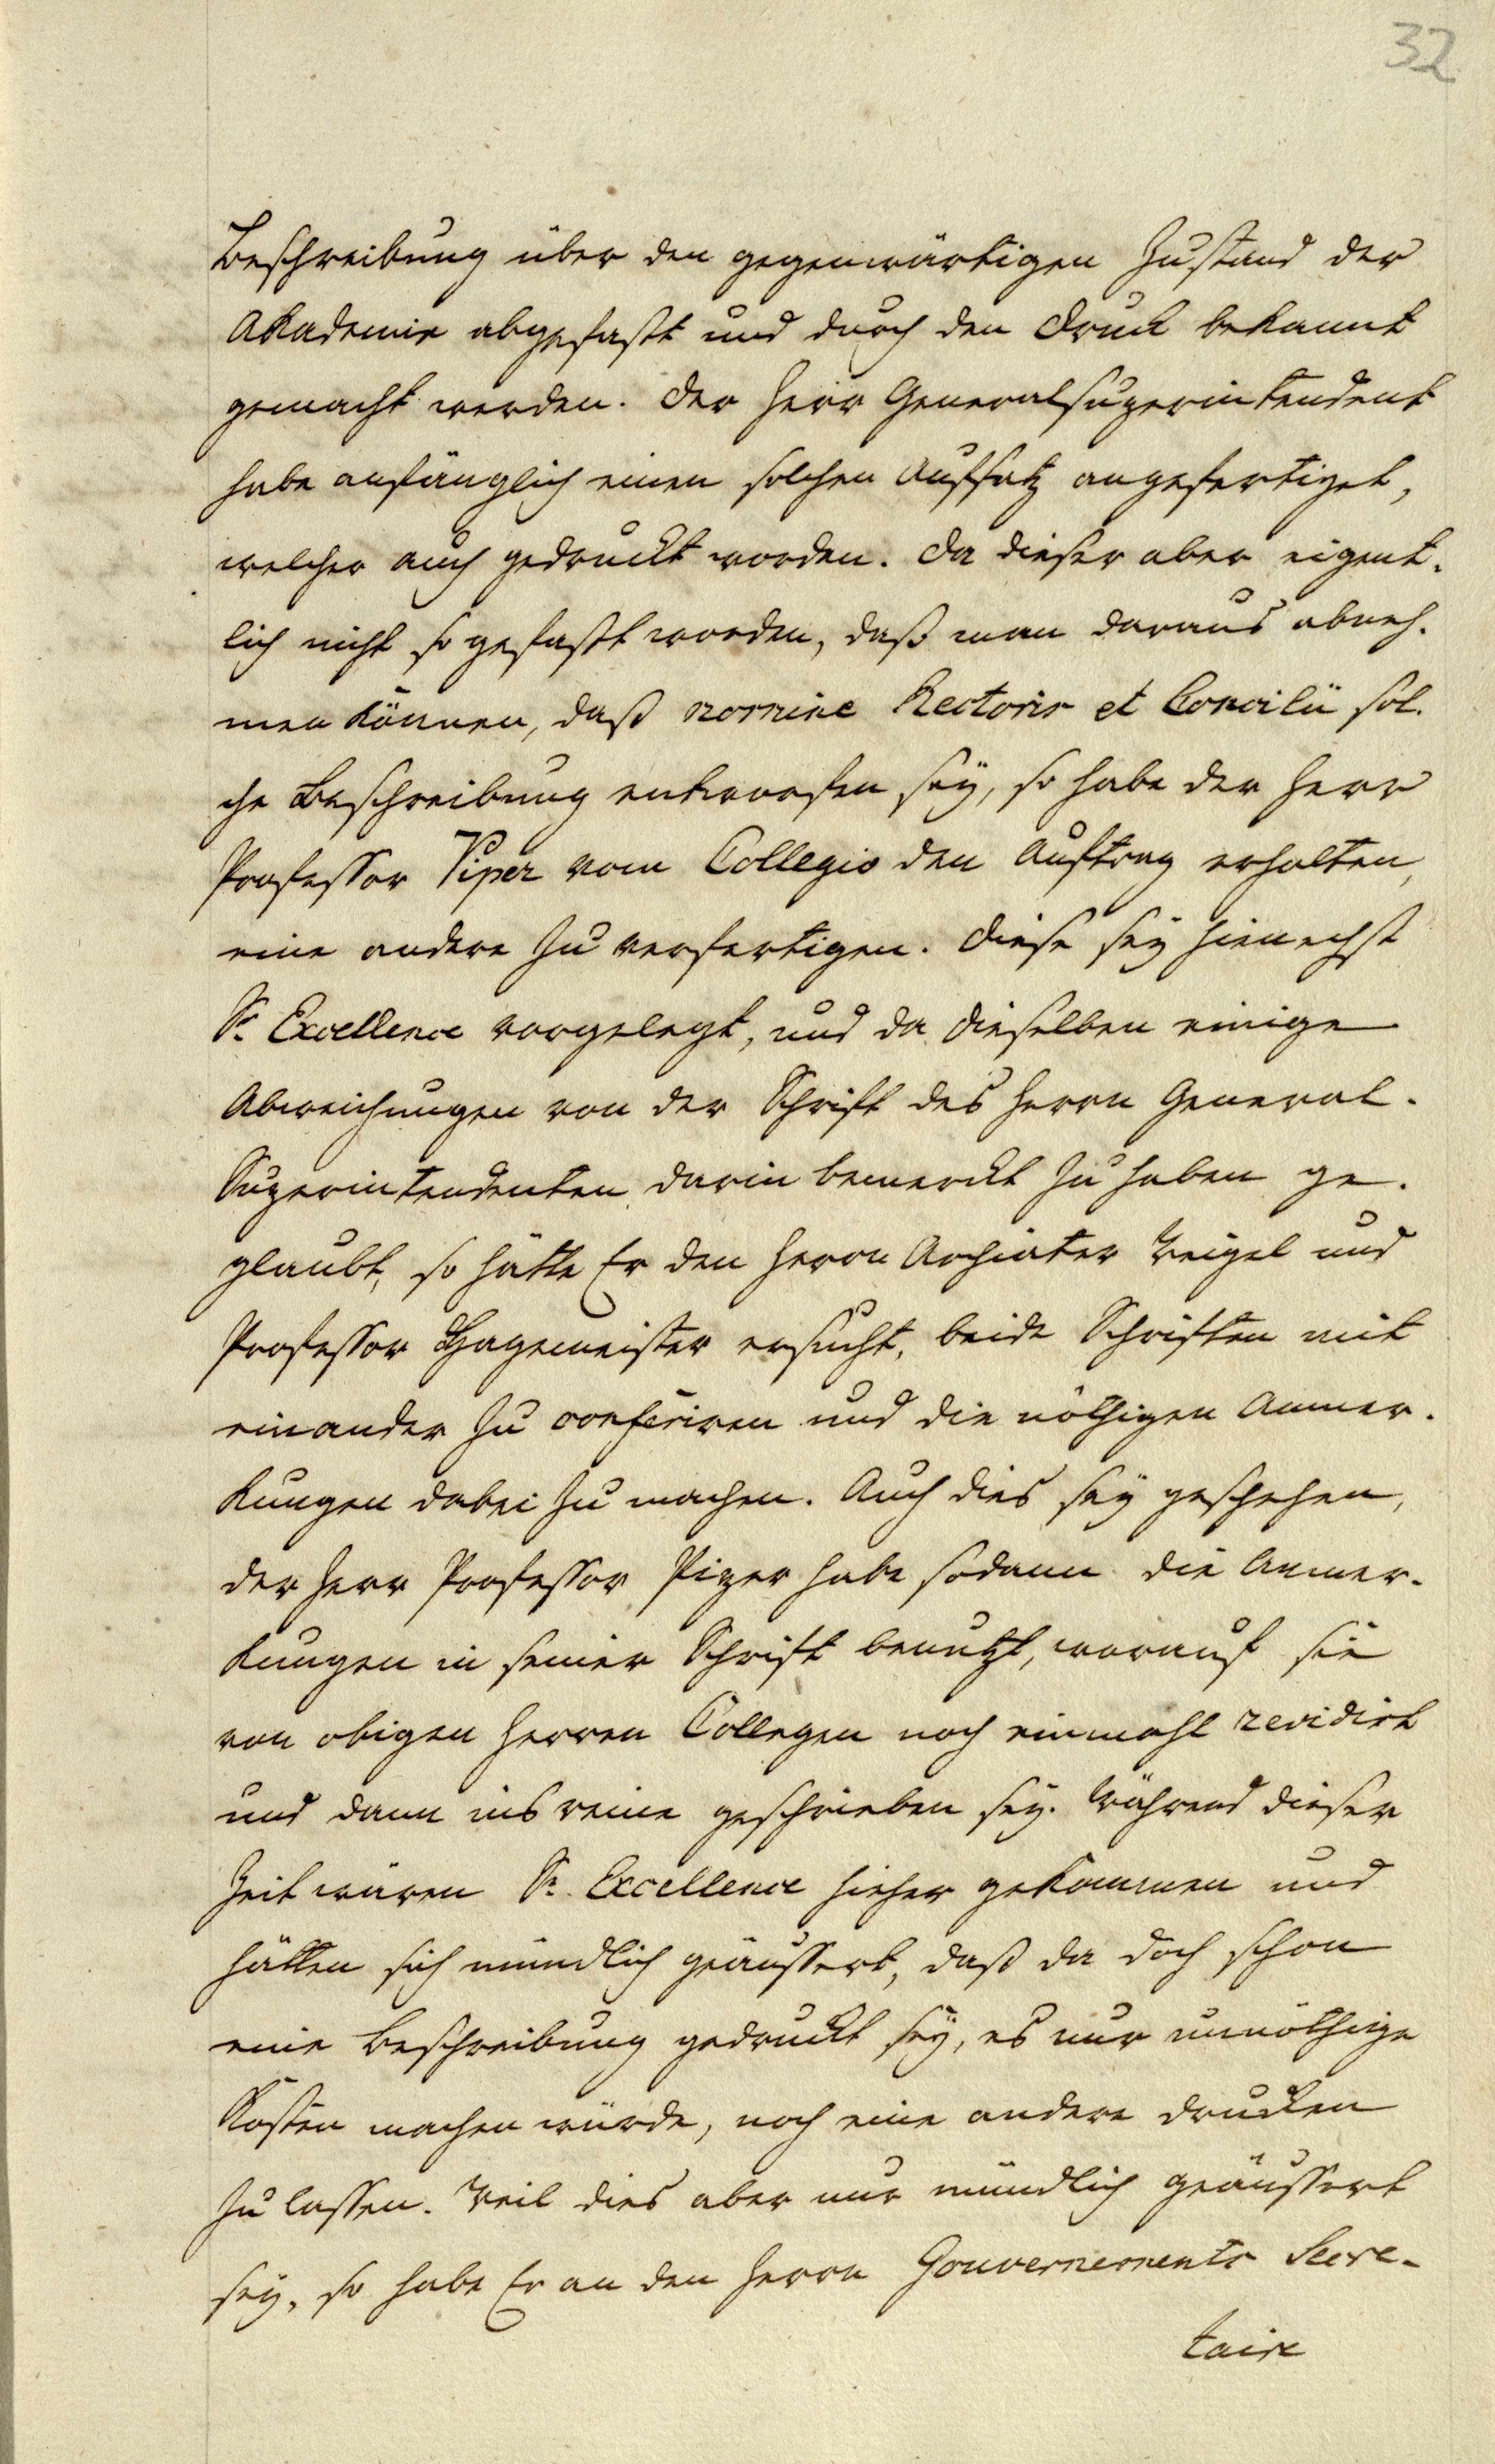Beshreibung über den gegenwärtigen Zustand der
Akademie abgefaßt und durch den Druck bekannt
gemacht werden. Der Herr Generalsuperintendent
habe anfänglich einen solchen Aufsatz angefertiget,
welcher auch gedruckt worden. Da dieser aber eigent¬
lich nicht so gefaßt worden, daß man daraus abneh¬
nen können, daß nomine Rectoris et Concilii sol¬
che Beschreibung entworfen seÿ, so habe der Herr
Professor Piper vom Collegio den Auftrag erhalten,
eine andere zu verfertigen. Diese seÿ hienechst
Sr Excellence vorgelegt, und da dieselben einige
Abweichungen von der Schrift des Herrn General-
Superintendenten darin bemerckt zu haben ge¬
glaubt, so hätte Er den Herrn Archiater Weigel und
Professor Hagemeister ersucht, beide Schriften mit
einander zu conferiren und die nöthigen Anmer¬
kungen dabei zu machen. Auch dies seÿ geschehen,
der Herr Professor Piper habe sodann die Anmer¬
kungen in seiner Schrift benutzt, worauf sie
von obigen Herren Collegen noch einmahl revidirt
und dann ins reine geschrieben seÿ. Während dieser
Zeit wären Sr Excellence hieher gekommen und
hätten sich mündlich geäussert, daß da doch schon
eine Beschreibung gedruckt seÿ, es nur unnöthige
Kosten machen würde, noch eine andere drucken
zu lassen. Weil dies aber nur mündlich geäussert
seÿ, so habe Er an den Herrn Gouvernements Secre¬
taire